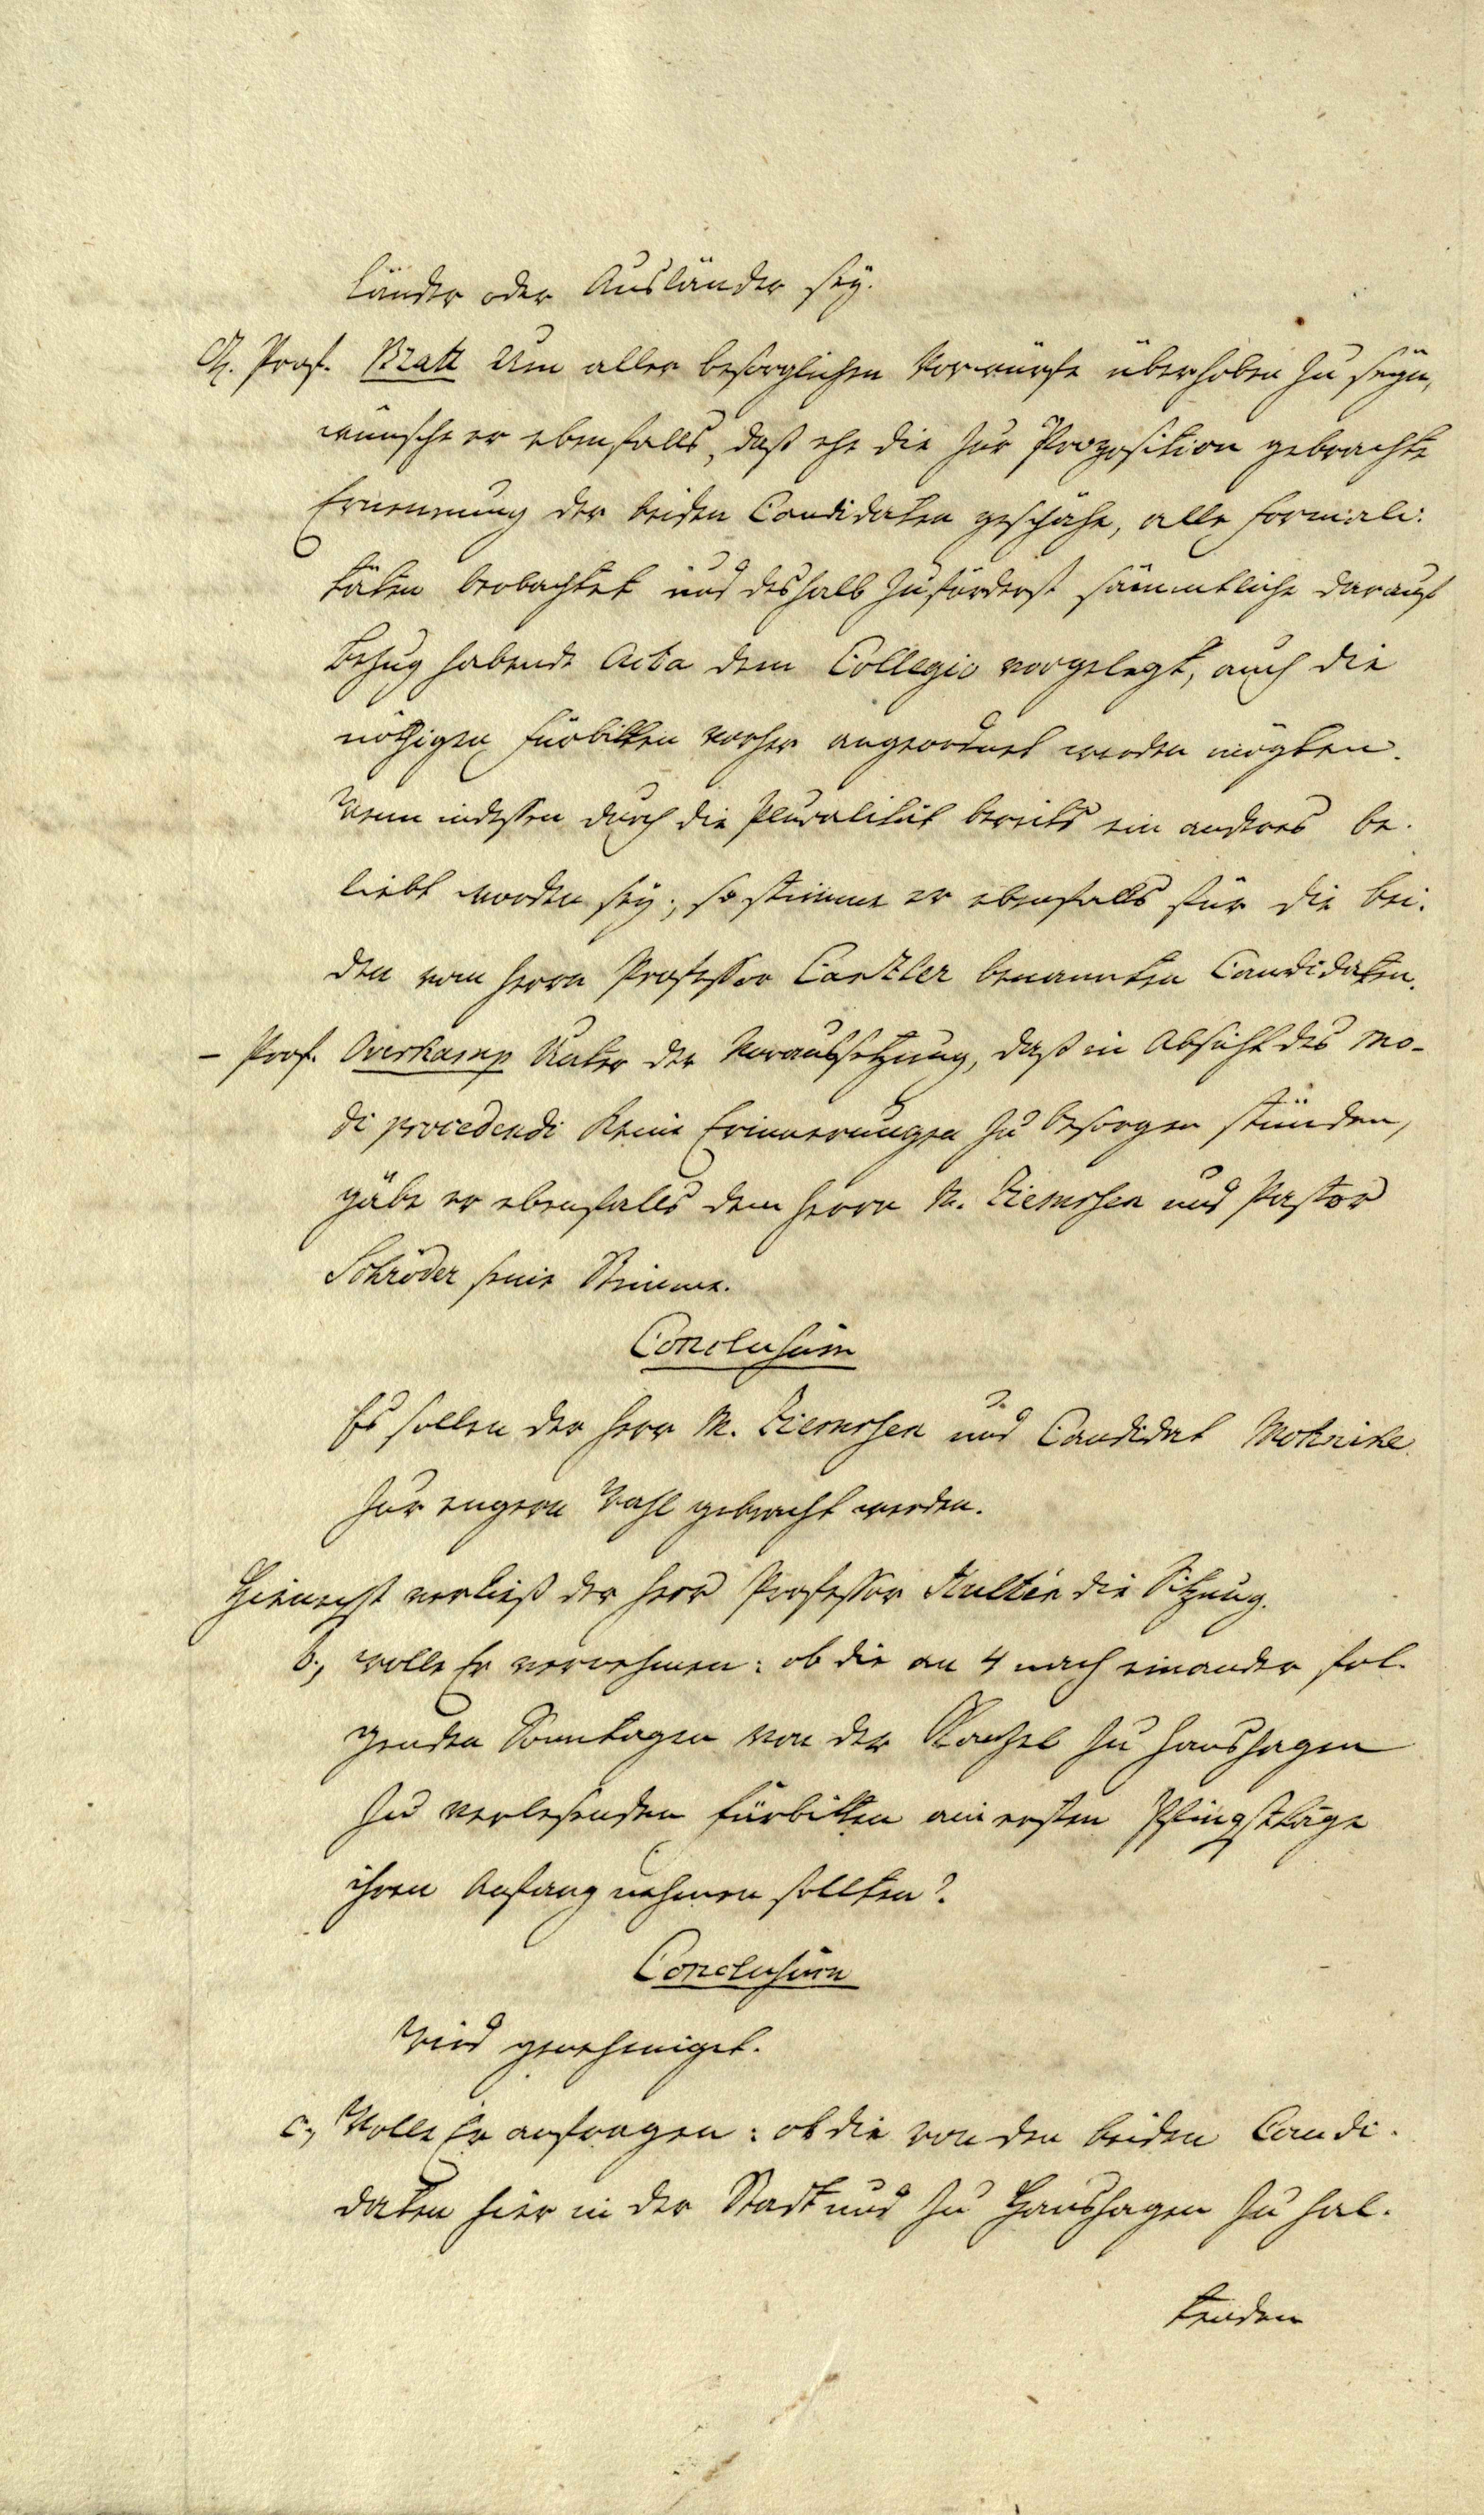länder oder Ausländer seÿ.
dh. Prof. Bratt Um aller besorglichen Vorwürfe überhoben zu seÿn,
wünsche er ebenfalls, daß ehe die zur Proposition gebrachte
Ernennung der beiden Candiaten geschähe, alle Formali¬
täten beobachtet und deshalb zuförderst sämmtliche darauf
Bezug habende Acta dem Collegio vorgelegt, auch die
nöthigen Fürbitten vorher angeordnet werden mögten.
Wenn indessen durch die Pluralität bereits ein anderes be¬
liebt worden seÿ, so stimme er ebenfalls für die bei¬
den vom herrn Professor Canzler benannten Candidaten.
Prof. Overkamp Unter der Voraussetzung, daß in Absicht des mo¬
die procedendi keine Erinnerungen zu besorgen stünden,
gäbe er ebenfalls dem herrn M. Ziemssen und Pastor
Schröder seine Stimme.
Conclusum
Es sollen der herr M. Ziemssen und Candidat Mohnike
zur engern Wahl gebracht werden.
Hienechst verließ der herr Professor Hultèn die Sitzung.
b, Wolle Er vernehmen: ob die an 4 nach einander fol¬
genden Sonntagen von der Kanzel zu hanshagen
zu verlesenden Fürbitten am ersten Pfingsttage
ihren Anfang nehmen sollten?
Conclusum
Wird genehmiget.
c, Wolle Er anfragen: ob die von den beiden Candi¬
daten hier in der Stadt und zu Hanshagen zu hal¬
tenden